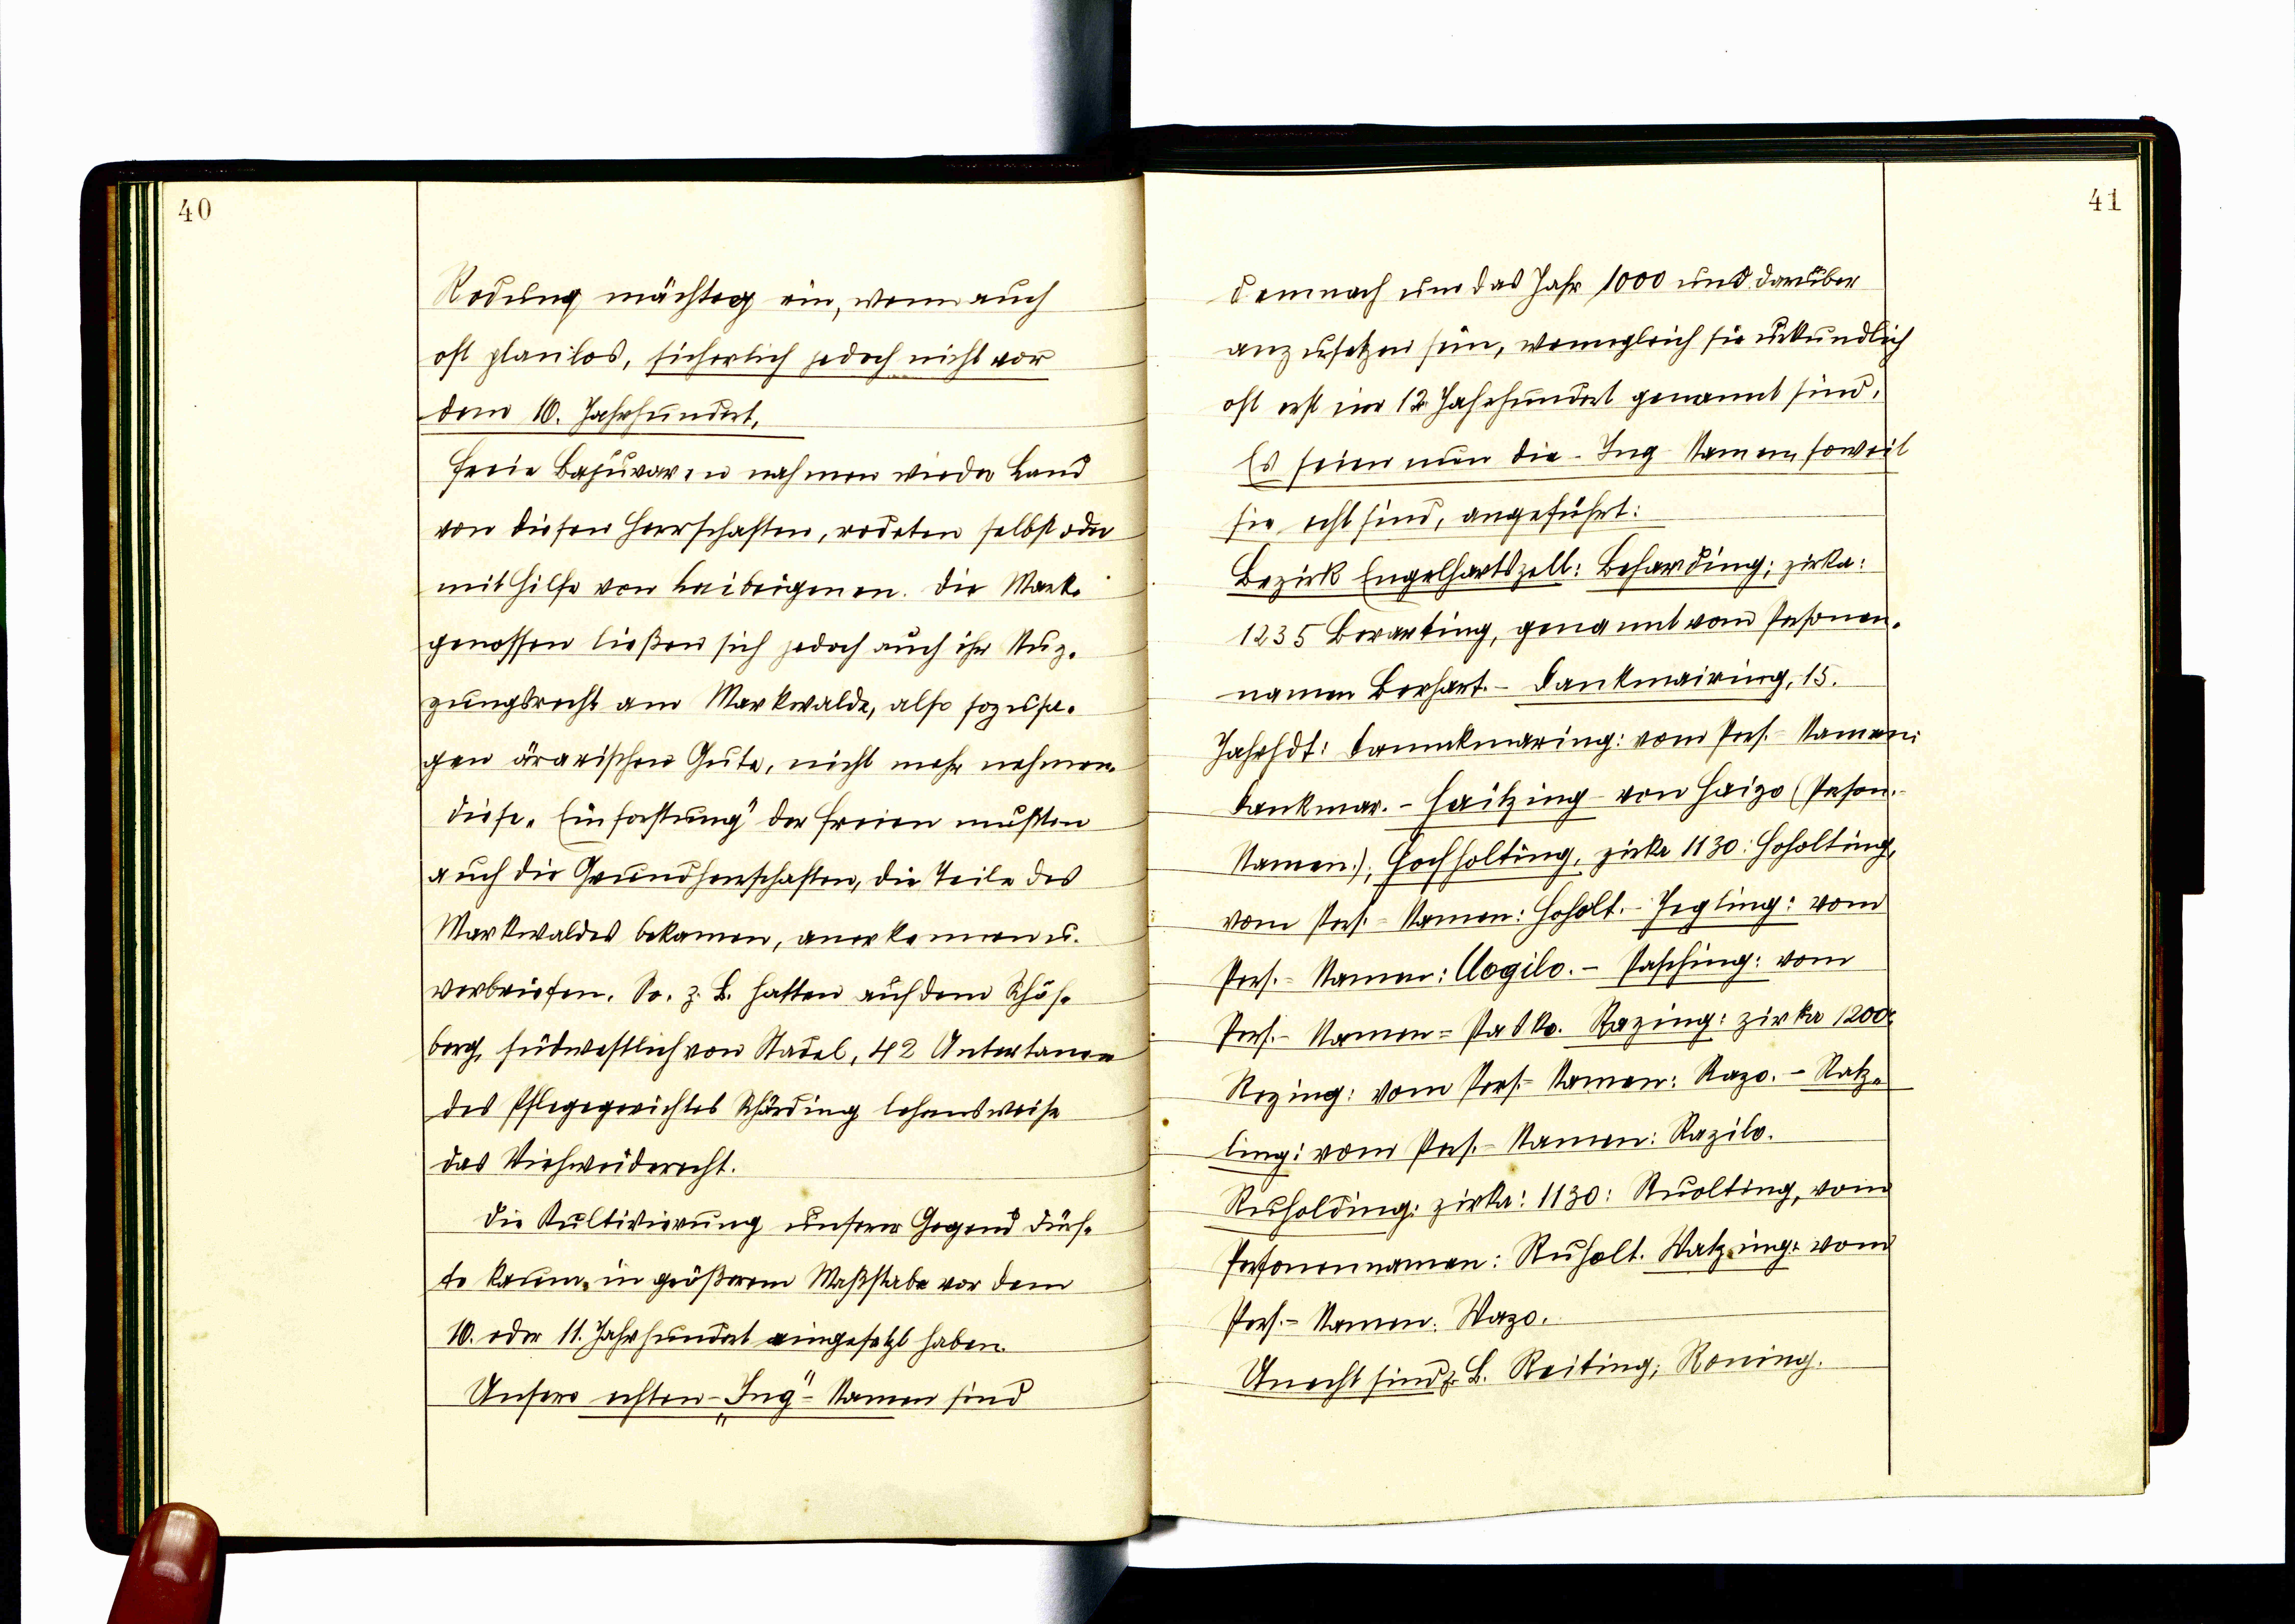Rodung mächtig ein, wenn auch
oft planlos, sicherlich jedoch nicht vor
dem 10. Jahrhundert.
Freie Bajuwaren nahmen wieder Land
von diesen Herrschaften, rodeten selbst oder
mit Hilfe von laibeigenen. Die Mark-
genossen ließen sich jedoch auch ihr Aus-
zungsrecht am Markwalde, also sozusa-
gen ärarischen Gute, nicht mehr nehmen
diese "Einforstung" der Freien mußten
auch die Grundherrschaften, die Teile des
Markwaldes bekamen, anerkennens
verbriefen, So. z.B. hatten aud dem Schöf-
berg südwestlich von Stadel, 42 Untertanen
des Pfleggerichtes Schärding lehensweise
das Viehweiderecht.
DIe Kultivierung unserer Gegend dürf-
te kaum in größerem Maßstabe vor dem
10. oder 11. Jahrhundert eingesetzt haben.
Unsere ersten "Ing"-Namen sind
demnach um das Jahr 1000 und darüber
anzusetzen sein, wenngleich sie urkundlich
oft erst im 12 Jahrhundert genannt sind.
Es seien nun die Ing-Namen soweit
sie echt sind, angeführt:
Bezirk Engelhartszell: Beharding; zirka
1235 Berarting, genannt von Personen-
namen Berhart - Dankmairing, 15.
Jahrhdt: Dannkmaring; vom Pers. Namen
Dankmar. - Haitzing von Haigo (Person-
Namen); Hochholting, zirka 1130 Hoholting,
vom Pers.- Namen: Hoholt. - Jegling: vom
Pers. - Namen: Uogilo. - Pasching: vom
Pers. - Namen- Pasko. Razing: zirka 1200
Rezing: vom Pers. - Namen: Razo. - Ratz-
ling: vom Pers. - Namen: Razilo.
Ruholding: zirka: 1130: Ruolting, vom
Personennamen: Ruhol. Watzing. vom
Pers. - Namen Wazo.
Unecht sind z.B. Reiting; Roning.